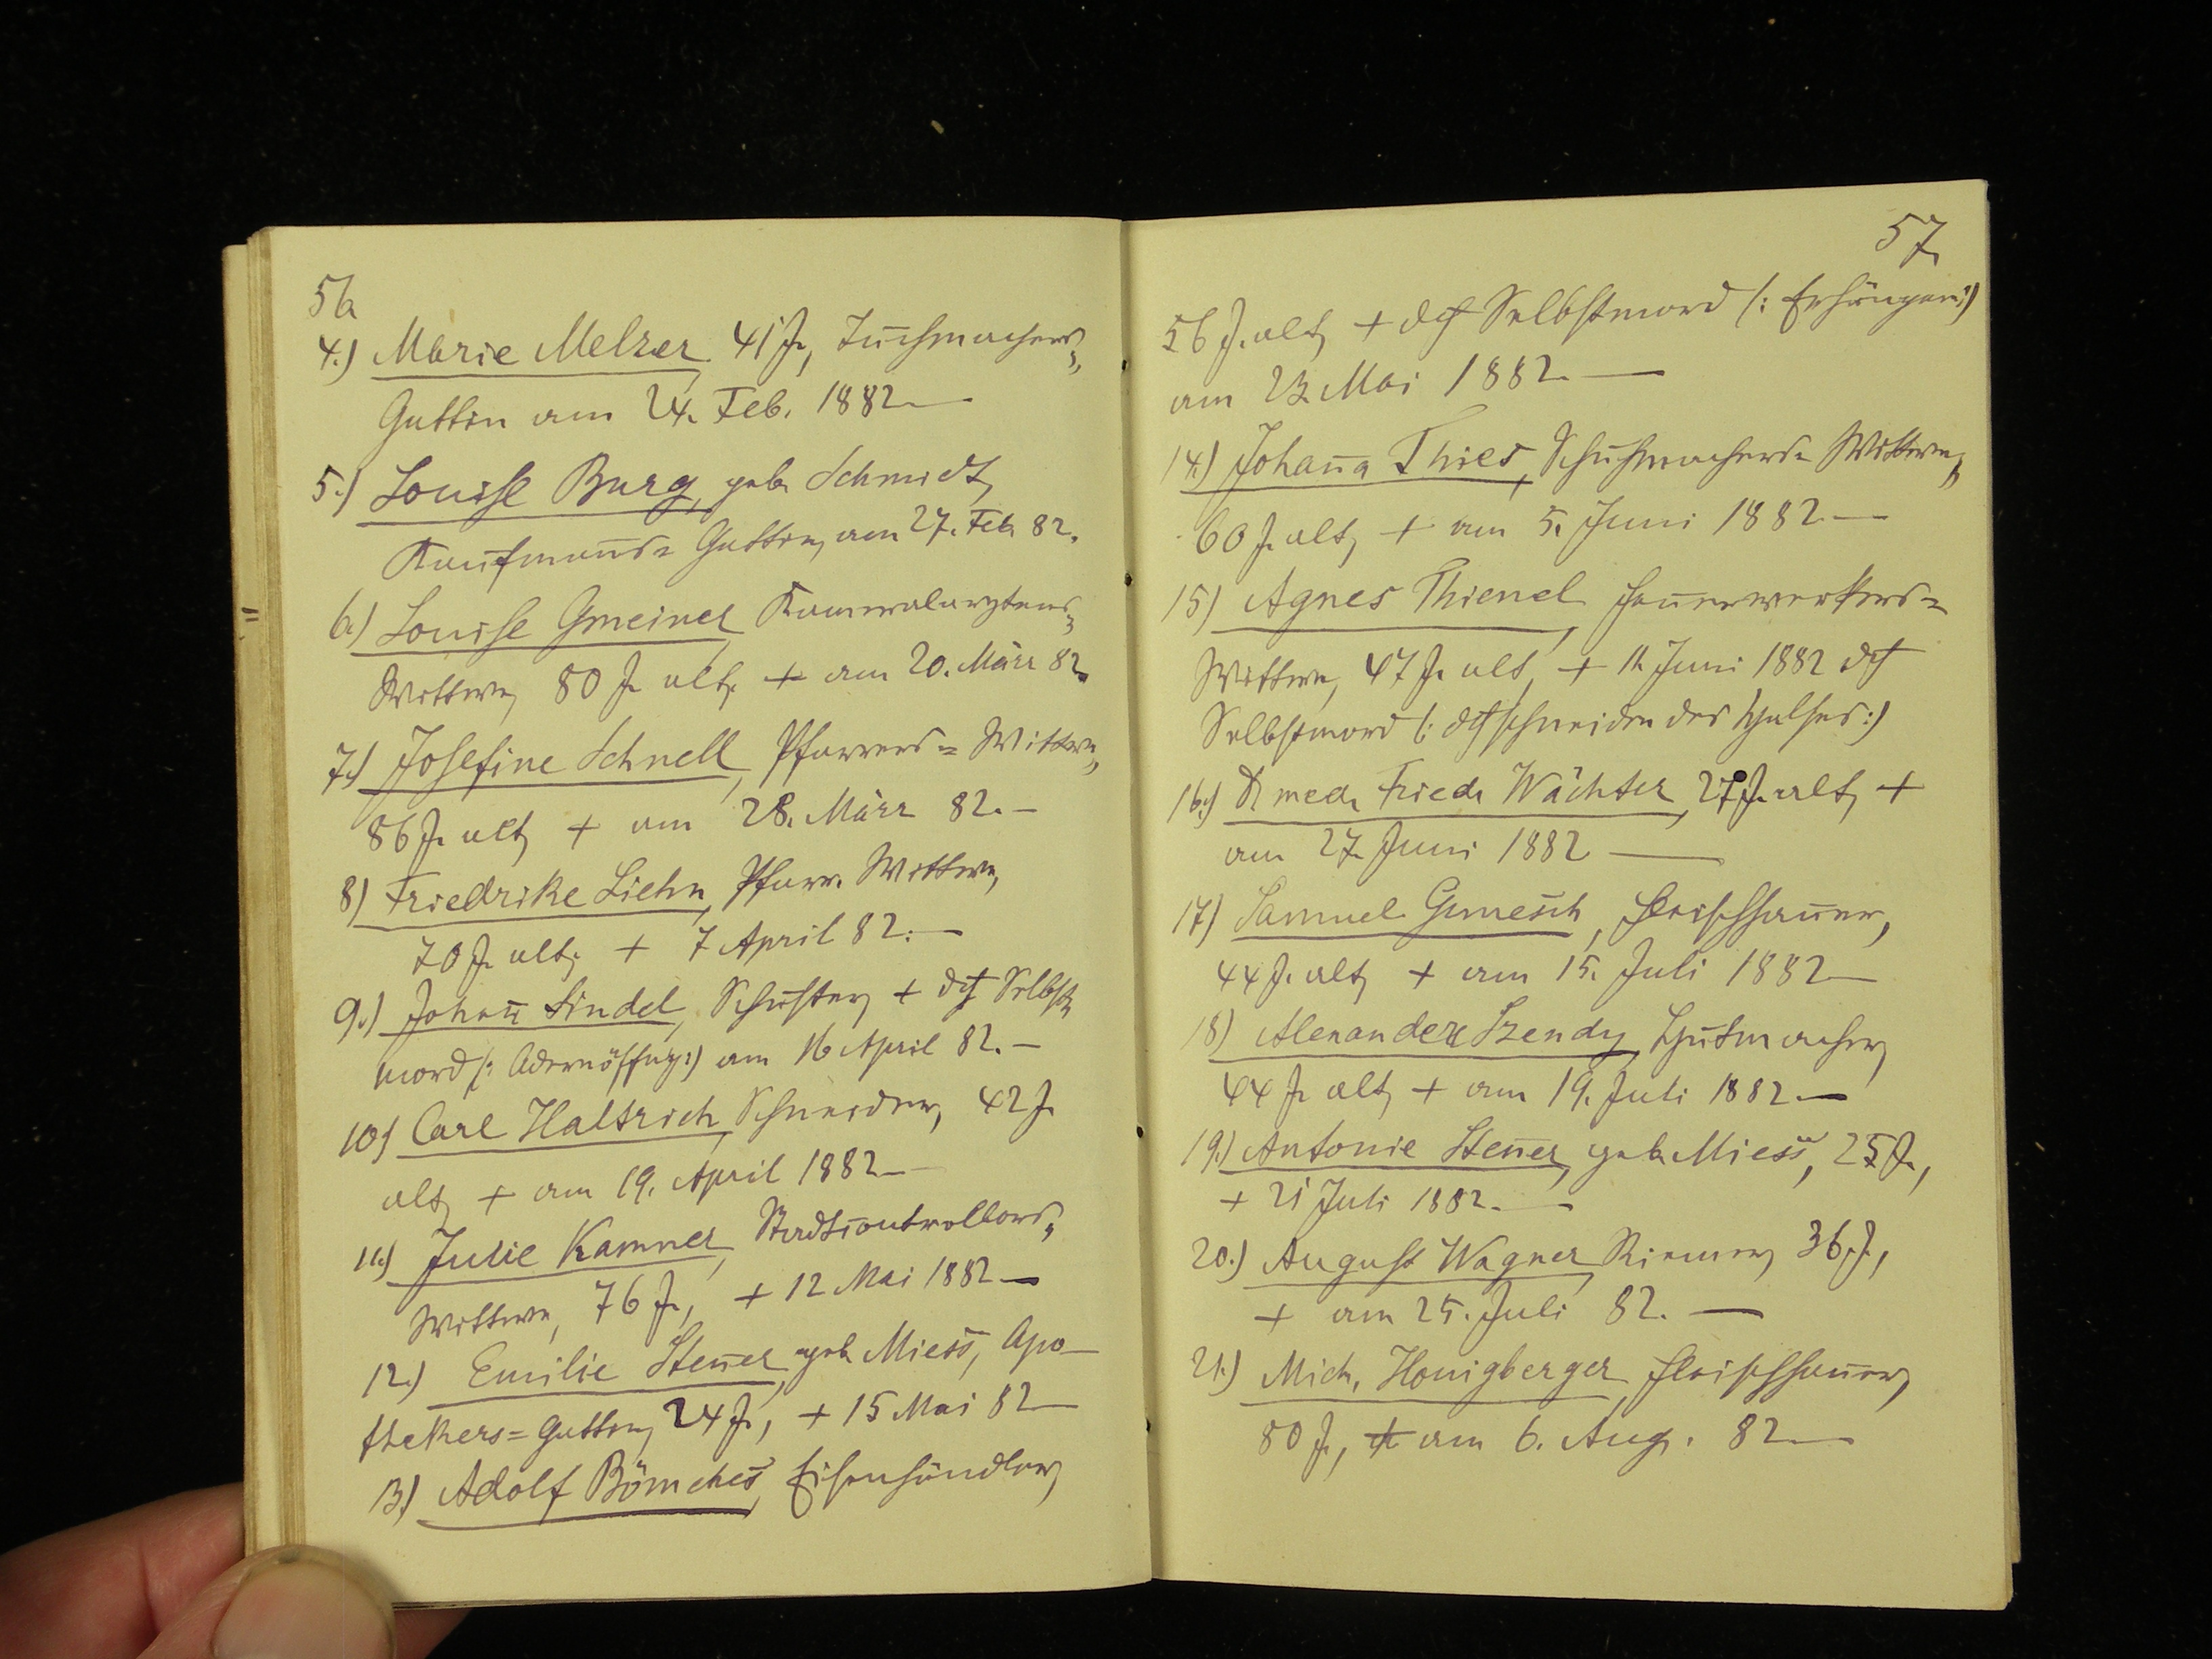56
4.) Marie Melzer 41 J. Tuchmacher
Gattin. + am 24.Febr. 82
5.) Louise Burg geb. Schmidt,
Kaufmanns Gattin + am 27. Febr. 82
6.) Louise Gmeiner, Kommunal-Arzt
Witwe 80 J. + am 20. März 82
7.) Josefine Schnell, Pfarrers Witwe
86 J. alt + am 28. März 82
8.) Friedrike Lietin, Pfarrers Witwe,
70 J. alt + am 7. April 82
9.) Johan Sindel, Schuster, Selbst¬
mord, Ader öffn. + am 16. April 82
10.) Carl Haltrich, Schneider, 42 J.
alt + am 19. April 82
11,) Julie Kammer,Stadtcontrollers
Witwe, 76 J. alt + am 12 Mai 82
12.) Emilie Steuer, geb. Miess, Apo¬
theker Gattin, 24 J.+ am 15 Mai 82
13.) Adolf Bömches, Eisenhändler .
57
..56 J. alt , + durch Selbstmord (: Erhängen : )
am 23 Mai 82
14.) Johanna Thier, Schuhmacher Witwe,
60 J. alt + am 5. Juni 82
15.) Agnes Thienel, Feurwerkers
Witwe, 47 J. + am 14 Juni 82
Selbstmord ( : durchschneiden des Halses . )
16.) Dr. med. Friedr. Wächter, 27 J. alt +
am 27 Juni 82
17.) Samuel Gunesch, Fleischhauer,
44 J. alt + am 15 Juli 82
18.) Alenander Szendy, Hutmacher
44 J. alt + am 19 Juli 82
19.) Antonie Stenner, geb. Miess, 25 J. alt
+ am 21 Juli 82
20.) August Wagner, Riemer, 36 J. alt
+ 25 Juli 82
21.) Mich. Honigberger, Fleischhauer,
80 J. alt + 6 Aug. 82…